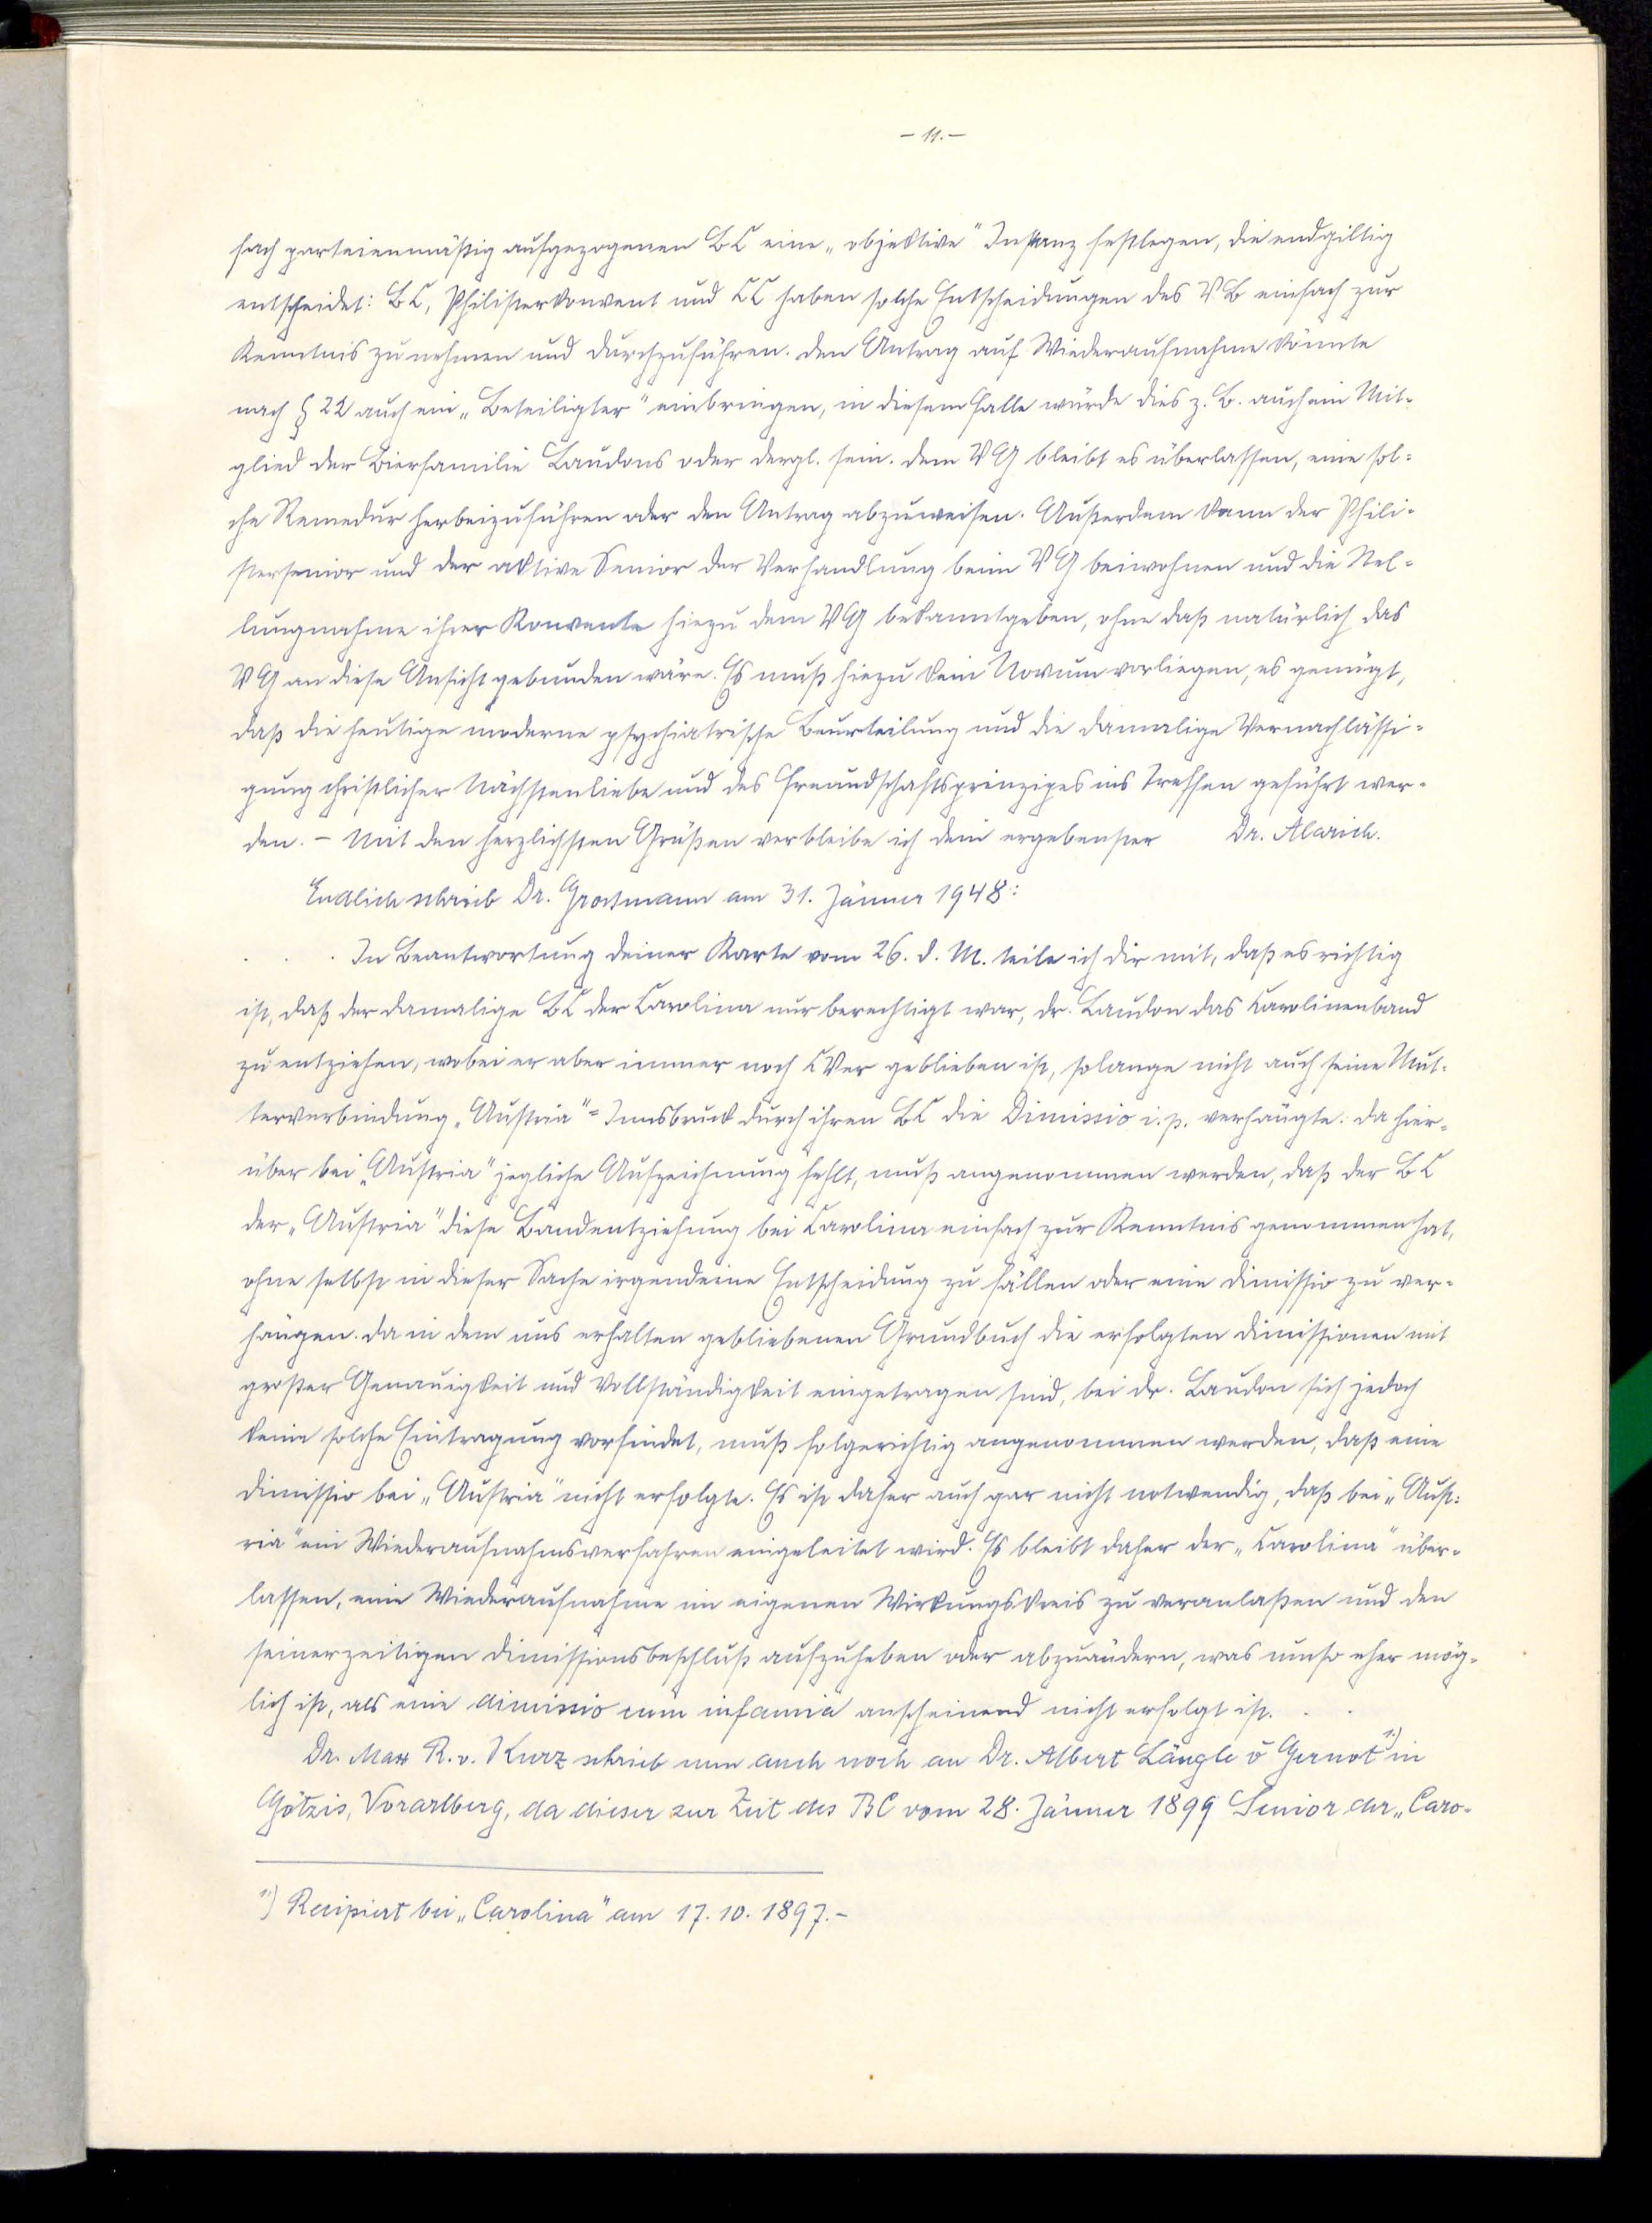11.
fach parteienmäßig aufgezogenen BC eine "objektive" Instanz festlegen, die endgültig
entschließt: BC, Philisterkonvent und CC haben solche Entscheidungen des VB einfach zur
Kenntnis zu nehmen und durchzuführen. Den Antrag auf Wiederaufnahme könnte
nach § 22 auch ein "Beteiligter" einbringen, in diesem Falle würde das z. B. auch ein Mit-
glied der Bierfamilie Laudons oder dergl. sein. Dem VG bleibt es überlassen eine sol-
che Remedur herbeizuführen oder den Antrag abzuweisen. Außnahmen kann der Phili-
stersenior und der aktive Senior der Verhandlung beim VG beinehmen und die Stel-
lungnahme ihrer Konvente hiezu dem VG bekanntgeben, ohne daß natürlich das
VG an diese Ansicht gebunden wäre. Es muß hiezu kein Novum vorliegen, es genügt,
daß die heutige moderne psychiatrische Beurteilung und die damalige Vernachlässi-
gung christlicher Nächstenliebe und des Freundschaftsprinzipes ins Treffen geführt wer-
den.- Mit den herzlichsten Grüßen verbleibe ich dein ergebenster
Dr. Alarich
Endlich schrieb Dr. Grossmann am 31. Jänner 1948
In Beantwortung deiner Karte am 26. d. M. teile ich dir mit, daß es wichtig
ist, daß der damalige BC der Carolina nur berechtigt war, Dr. Laudon das Carolinenband
zu entziehen, wobei er aber immer noch CVer geblieben ist, solange nicht auch seine Mut-
terverbindung "Austria"-Innsbruck durch ihren BC die Dimissio i. p. verhängte. Da hier-
über bei "Austria" jegliche Aufzeichnung fehlt, muß angenommen werden, daß der BC
der "Austria" diese Bandentziehung bei Carolina einfach zur Kenntnis genommen hat,
ohne selbst in dieser Sache irgendeine Entscheidung zu fällen oder eine Dimission zu ver-
hängen da in dem uns erhalten gebliebenen Grundbuch die erfolgten Dimissionen mit
ganzer Gründlichkeit und Vollständigkeit eingetragen sind, bei Dr. Laudon sich jedoch
keine solche Eintragung vorfindet, muß folgerichtig angenommen werden, daß eine
Dimissio bei "Austria" nicht erfolgte. Es ist daher auch gar nicht notwendig, daß bei "Aust-
ria" ein Wiederaufnahmsverfahren eingeleitet wird. Es bleibt daher der "Carolina" über-
lassen, eine Wiederaufnahme im eigenen Wirkungskreis zu veranlaßen und den
seinerzeitigen Dimissionsbeschluß aufzuheben oder abzuändern, was umso eher mög-
lich ist, als eine Dimissio cum infamia anscheinend nicht erfolgt ist.
Dr. Max R. von Kurz schrieb nun auch noch an Dr. Albert Längle v/o Gernot 1.) in
Götzis, Vorarlberg, da dieser zur Zeit des BC vom 28. Jänner 1899 Senior der "Caro-
1.) Recipiert bei "Carolina" am 17. 10. 1897